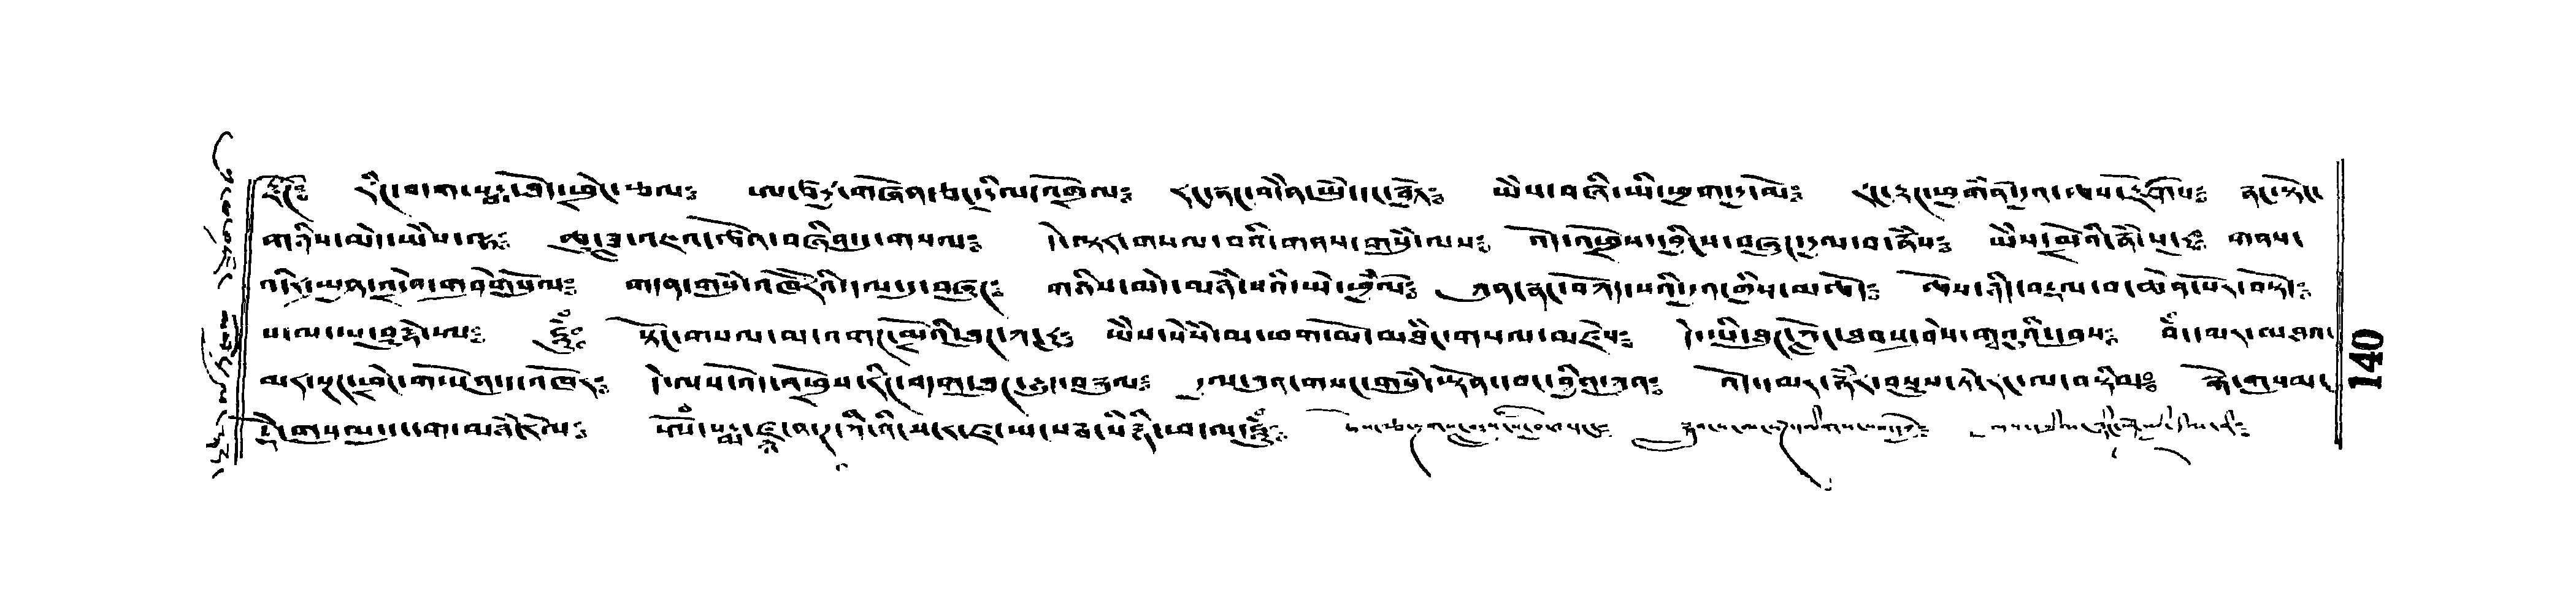རྫོགས༔ རིགས་བདག་པདྨ་ཐོད་ཕྲེང་རྩལ༔ ཨ་ཙརྻ་གཞོན་ཅང་དྲིལ་འཁྲོལ༔ རང་སྣང་བདེ་ཆེན་ཡུམ་དང་སྦྱོར༔ ཡེ་ཤེས་བཞི་ཡི་ཕྱག་རྒྱ་མོ༔ རང་རྟགས་ཕྱག་མཚན་རྒྱན་ཆས་རྫོགས༔ སྣང་སྟོང་
གཉིས་མེད་ཡེ་ཤེས་ལྷ༔ ཆུ་ཟླ་འཇའ་ཚོན་བཞིན་དུ་གསལ༔ དེ་ལྟར་གསལ་བའི་གནས་གསུམ་ལས༔ འོད་འཕྲོས་དབྱིངས་བཞུགས་རྒྱལ་བ་རྣམས༔ ཡེ་ཤེས་མཁའ་འགྲོའི་རྣམ་པ་རུ༔ གནས་
འདིར་སྤྱན་འདྲེན་གཤེགས་སུ་སོལ༔ གདན་གསུམ་འཁོར་ལོའི་དལ་དུ་བཞུགས༔ གཉིས་མེད་མཉམ་པའི་ཡེ་ཕྱག་འཚལ༔ ཀུན་སྣང་བཀོད་པའི་རྒྱན་གྱིས་མཆོད༔ ཆོས་ཉིད་བརྡལ་བ་ཆེན་པོར་བསྟོད༔ 
ས་མ་ཡ་ཤདྡྷེ་ཨཱཿ ཧཱུྃ༔ སྟོང་གསལ་མ་འགགས་མཁའ་འགྲོའི་ཐུགས་ཀ་རུ༔ ཡེ་ཤེས་སེམས་མ་ཕག་མོ་མཐིང་གསལ་མཛེས༔ དེ་ཡི་ཐུགས་ཀློང་ཐབས་ཤེས་གྭའུའི་དབུས༔ བྃ་དམར་མཐའ་
མར་སྔགས་ཕྲེང་གཡོན་དུ་འཁོར༔ དེ་ལས་འོད་འཕྲོས་རིགས་བདག་ཐུགས་རྒྱུད་བསྐུལ༔ རྒྱལ་ཀུན་གསང་གསུམ་ཡོན་ཏན་དབང་བྱིན་ཀུན༔ འོད་དམར་རྣམ་པར་བསྡུས་ཏེ་རང་ལ་བསྟིམ༔ སྒོ་གསུམ་
རྡོ་རྗེ་གསུམ་དུ་དག་མཉམ་རོལ༔ ཨོཾ་པདྨ་ཛྙཱ་ན་ཌཱ་ཀི་ནི་ས་ར་ཛ་ཡ་སརྦ་སིདྡྷི་ཕ་ལ་ཧཱུྃ༔ ཅེས་རྩ་སྔགས་བཟླས་པ་བྱེ་བ་དང༔ སྒྲུབ་པ་ལ་སོགས་དམིགས་པས་དབྱེ༔ ལུས་དཀྱིལ་སྙིང་པོ་སྤྱི་དྲིལ་ནི༔